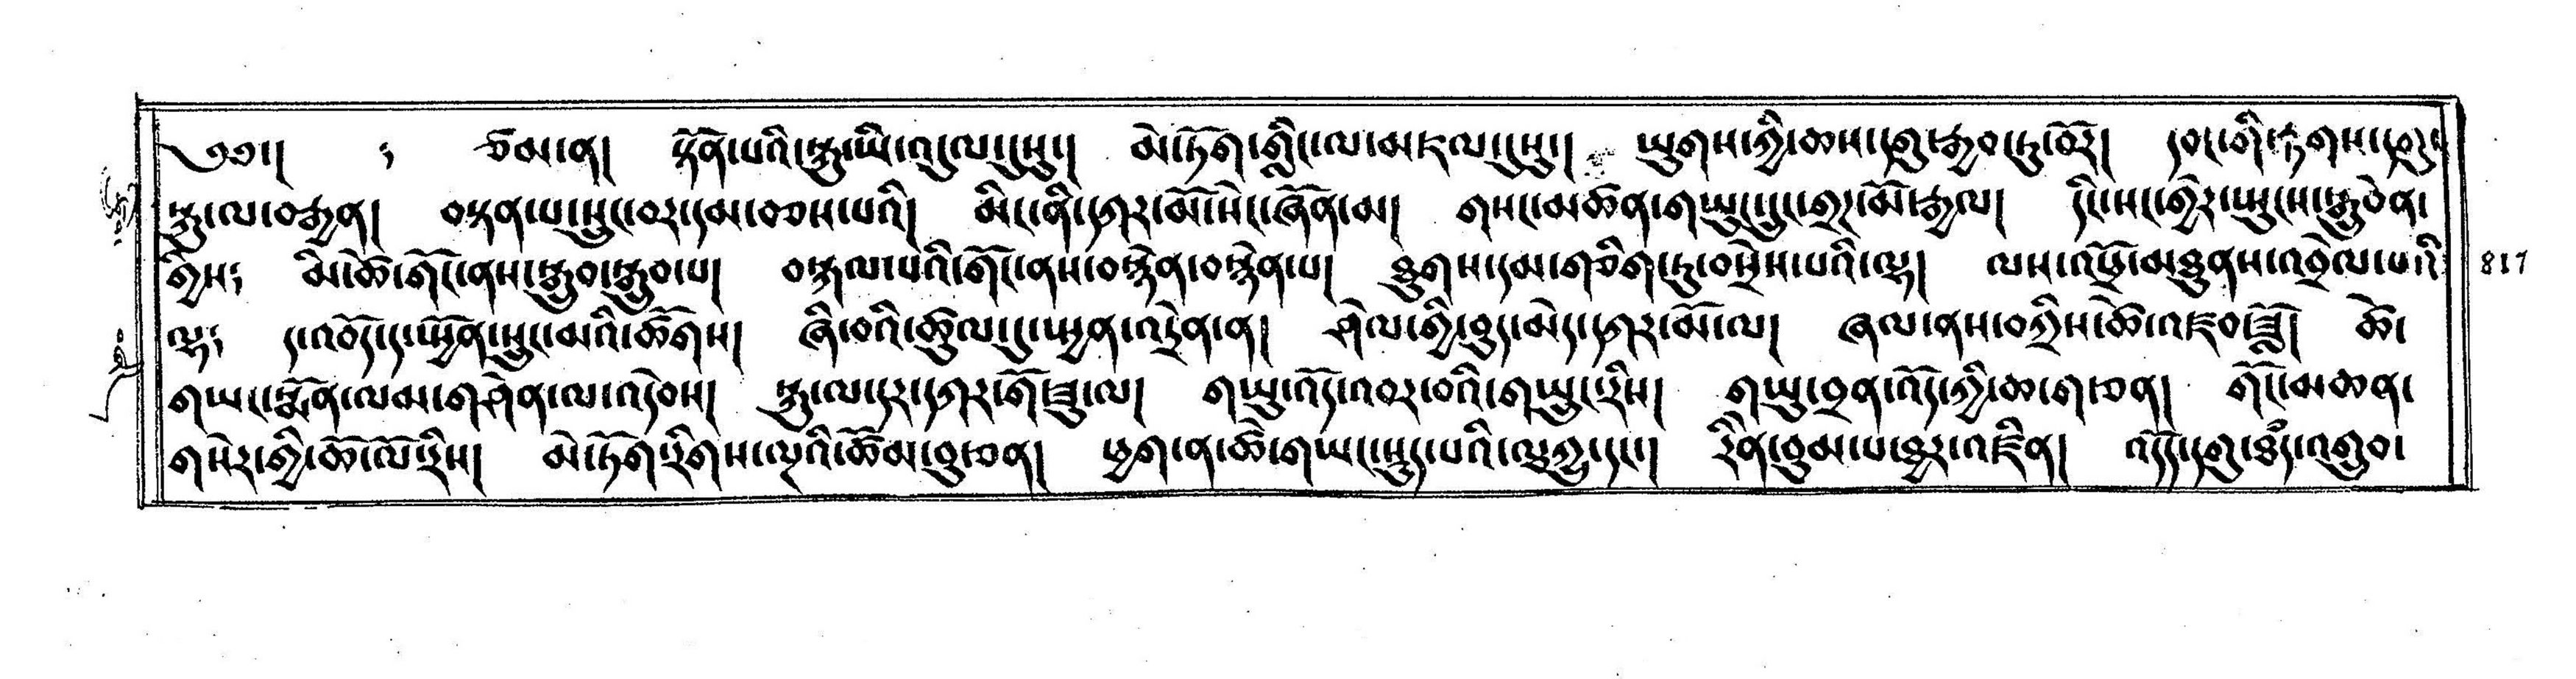ཙམ་ན། སྟོན་པའི་སྐུ་ཡི་འདུལ་དུས་སུ། མེ་ཏོག་གླིང་ལ་མཇལ་དུས་སུ། ཡུགས་ཀྱི་ཆས་དགུ་རྒྱབ་ཏུ་བོར། དབང་གི་རྟགས་དགུ་
སྐུ་ལ་བརྒྱན། བསྟན་པ་སྲུང་བར་དམ་བཅས་པའི། མིང་ནི་དཀར་མོ་སེང་ཞོན་མ། གསང་མཚན་གཡུང་དྲུང་གྲགས་མོ་རྒྱལ། དིང་སང་གྱེར་སྤུངས་སྒྲུབ་གཤེན་
གྱིས། མི་ཚེ་གོང་ནས་སྒྲུབ་སྒྲུབ་པ། བསྐལ་པའི་གོང་ནས་བསྙེན་བསྙེན་པ། ཐུགས་དམ་གཅིག་ཏུ་བསྲེས་པའི་ལྷ། ལས་འཕྲོ་མཐུན་ནས་འབྲེལ་པའི་
ལྷ། ད་འབོད་ད་སྤྱོན་སྲུང་མའི་ཚོགས། ཞི་བའི་ཚུལ་དུ་སྤྱན་འདྲེན་ན། ཤེལ་གྱི་བུད་མེད་དཀར་མོ་ལ། ཞལ་ནས་བཀྲ་ཤིས་ཚེ་འཛབ་ཟློ། ཚེ་
གཡང་སྨོན་ལམ་གཤེན་ལ་འདེབས། སྐུ་ལ་དར་དཀར་གོ་ཟུ་ལ། གཡུ་འོད་འབར་བའི་གཡུང་དྲུང་རིས། གཡུ་བྲན་འོད་ཀྱི་ཆ་ག་ཅན། གོང་མཆན་
གསེར་གྱི་ཆོ་ལོ་རིས། མེ་ཏོག་རིགས་ལྔའི་ཚོམ་བུ་ཅན། ཕྱག་ན་ཚེ་གཡང་སྡུད་པའི་ལྕག་ཀྱུ་དང་། རིན་ཆེན་བུམ་པ་ཐུགས་ཀར་འཛིན། འདོད་དགུ་ཐམས་ཅད་འགྲུབ་